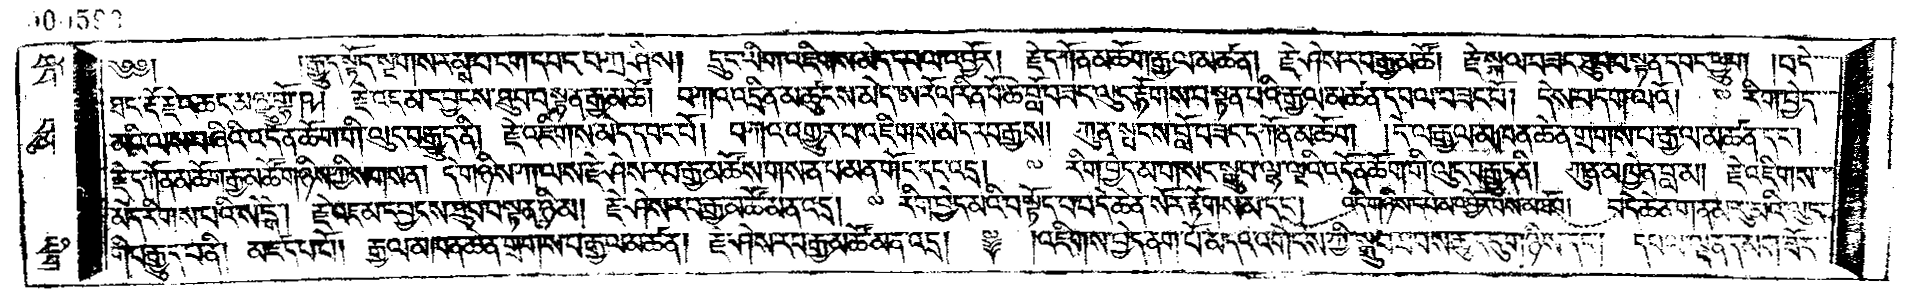༄༅། །རྒྱུད་སྟོད་སྔགས་རམས་པ་ངག་དབང་བཀྲ་ཤིས། དྲུང་ཡིག་འཇིགས་མེད་དཔལ་འབྱོར། རྗེ་དཀོན་མཆོག་རྒྱལ་མཚན། རྗེ་ཤེས་རབ་རྒྱ་མཚོ། རྗེ་སྐལ་བཟང་ཐུབ་བསྟན་དབང་ཕྱུག །བདེ་
ཐང་རྡོ་རྗེ་འཆང་མཉྫུ་གྷོ་ཥ། རྗེ་འཇམ་དབྱངས་ཐུབ་བསྟན་རྒྱ་མཚོ། བཀའ་འདྲིན་མཚུངས་མེད་ཨ་རོལ་རིན་པོ་ཆེ་བློ་བཟང་ལུང་རྟོགས་བསྟན་པའི་རྒྱལ་མཚན་དཔལ་བཟང་པོ། དེས་བདག་ལའོ། ༧་རིག་བྱེད་
མའི་ལས་བཞིའི་འདོན་ཆོག་གི་ལུང་བརྒྱུད་ནི། རྗེ་འཇིགས་མེད་དབང་བོ། བཀའ་འགྱུར་བ་འཇིགས་མེད་རབ་རྒྱས། ཀུན་སྤངས་བློ་བཟང་དཀོན་མཆོག །དེ་ལ་རྒྱལ་མཁན་ཆེན་གྲགས་པ་རྒྱལ་མཚན་དང་།
རྗེ་དཀོན་མཆོག་རྒྱ་མཚོ་གཉིས་ཀྱིས་གསན། དེ་གཉིས་ཀ་ལས་རྗེ་ཤེས་རབ་རྒྱ་མཚོས་གསན་པ་མན་གོང་དང་འདྲ། ༧་རིག་བྱེད་མ་གསང་སྒྲུབ་ལྷ་ལྔའི་འདོན་ཆོག་གི་ལུང་བརྒྱུད་ནི། ཀུན་མཁྱེན་བླ་མ། རྗེ་འཇིགས་
མེད་རིགས་པའི་སེངྒེ། རྗེ་འཇམ་དབྱངས་ཐུབ་བསྟན་ཉི་མ། རྗེ་ཤེས་རབ་རྒྱ་མཚོ་མན་འདྲ། ༧་རིག་བྱེད་མའི་བསྟོད་པ་བདེ་ཆེན་སོར་རྟོགས་མ་དང་འདི་གཉིས་དཔེ་མ་འབྱོར་བས་མ་ཐོབ་བདེ་ཆེན་གནམ་རུ་མའི་ལུང་
གི་བརྒྱུད་པ་ནི། མཛད་པ་པོ། རྒྱལ་མཁན་ཆེན་གྲགས་པ་རྒྱལ་མཚན། རྗེ་ཤེས་རབ་རྒྱ་མཚོ་མན་འདྲ། ༈ །འཇིགས་བྱེད་ནག་པོ་མདའ་འགེངས་ཀྱི་སྒྲུབ་ཐབས་ཆུང་དུ་གཉིས་དང་། དཔལ་ལྡན་དམག་ཟོར་